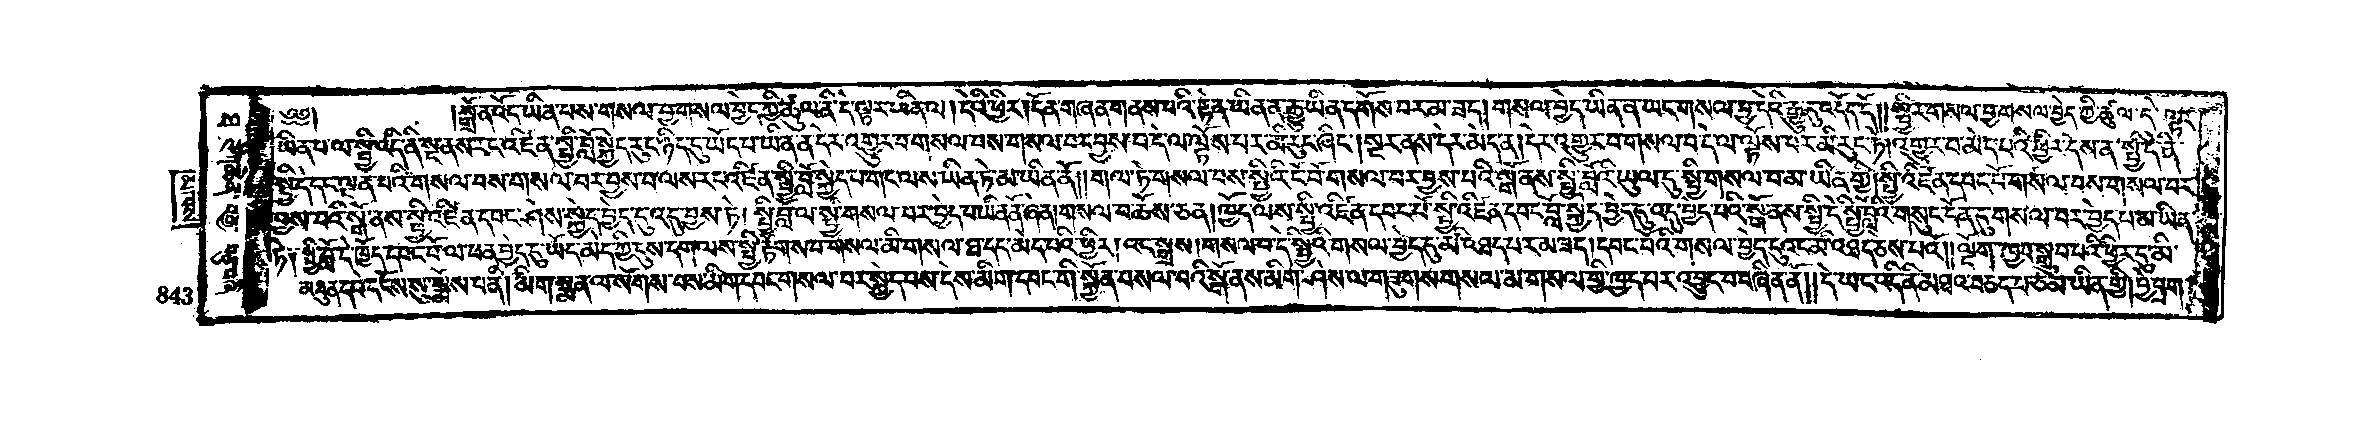༄༅། །སྒྲོན་འོད་ཡིན་པས་གསལ་བྱ་གསལ་བྱེད་ཀྱི་ཚུལ་ནི་དེ་ལྟར་ཡིན་ལ། དེའི་ཕྱིར། དོན་གཞན་གནས་པའི་རྟེན་ཡིན་ན་རྒྱུ་ཡིན་དགོས་པར་མ་ཟད། གསལ་བྱེད་ཡིན་ན་ཡང་གསལ་བྱ་དེའི་རྒྱུ་དུ་འདོད་དོ། །སྤྱིར་གསལ་བྱ་གསལ་བྱེད་ཀྱི་ཚུལ་དེ་ལྟར་
ཡིན་པ་ལ་སྤྱི་འདི་ནི་སྔ་ནས་རང་འཛིན་སྤྱི་བློ་སྐྱེད་རུང་ཉིད་དུ་ཡོད་པ་ཡིན་ན་དེར་འགྱུར་བ་གསལ་བས་གསལ་བར་བྱས་པ་དེ་ལ་ལྟོས་པར་མི་རུང་ཞིང་། སྔར་ནས་དེར་མེད་ན། དེར་འགྱུར་བ་གསལ་བ་དེ་ལ་ལྟོས་པར་མི་རུང་ཏེ། འགྱུར་བ་མེད་པའི་ཕྱིར་དེས་ན་སྤྱི་དེ་ནི་
སྤྱི་དེ་དང་ལྡན་པའི་གསལ་བས་གསལ་བར་བྱས་པ་ལས་རང་འཛིན་སྤྱི་བློ་སྐྱེད་པ་གང་ལས་ཡིན་ཏེ་མ་ཡིན་ནོ། །གལ་ཏེ་གསལ་བས་སྤྱིའི་ངོ་བོ་གསལ་བར་བྱས་པའི་སྒོ་ནས་སྤྱི་བློའི་ཡུལ་དུ་སྤྱི་གསལ་བ་མ་ཡིན་གྱི། སྤྱི་འཛིན་དབང་པོ་གསལ་བས་གསལ་བར་
བྱས་པའི་སྒོ་ནས་སྤྱི་འཛིན་དབང་ཤེས་སྐྱེད་བྱེད་དུ་འདུ་བྱས་ཏེ། སྤྱི་བློ་ལ་སྤྱི་གསལ་བར་བྱེད་པ་ཡིན་ནོ་ཞེ་ན། གསལ་བ་ཆོས་ཅན། ཁྱོད་ལས་སྤྱི་འཛིན་དབང་པོ་སྤྱི་འཛིན་དབང་བློ་སྐྱེད་བྱེད་དུ་འདུ་བྱེད་པའི་སྒོ་ནས་སྤྱི་དེ་སྤྱི་བློའི་གསུང་དོན་དུ་གསལ་བར་བྱེད་པ་མ་ཡིན་
ཏེ༑ སྤྱི་བློ་དེ་ཁྱོད་དབང་པོ་ལ་ཕན་བྱེད་དུ་ཡོད་མེད་ཀྱི་དུས་དག་ལས་སྤྱི་རྟོགས་པ་གསལ་མི་གསལ་ཐ་དད་མེད་པའི་ཕྱིར། འང་སྒྲས། གསལ་བ་དེ་སྤྱིའི་གསལ་བྱེད་དུ་མི་འཐད་པར་མ་ཟད། དབང་པོའི་གསལ་བྱེད་དུའང་མི་འཐད་ཅེས་པའོ། །ལྡོག་ཁྱབ་སྒྲུབ་པའི་ཕྱིར་དུ་མི་
མཐུན་དཔེ་དངོས་སུ་སྨོས་པ་ནི། མིག་སྨན་ལ་སོགས་པས་མིག་དབང་གསལ་བར་སྐྱེད་པས་དེས་མིག་དབང་གི་སྐྱོན་བསལ་བའི་སྒོ་ནས་མིག་ཤེས་ལ་གཟུགས་གསལ་མ་གསལ་གྱི་ཁྱད་པར་འབྱུང་བ་བཞིན་ནོ། །དེ་ཡང་འདི་ནི་མཐའ་བཅད་པ་ཙམ་ཡིན་གྱི། བྱེ་བྲག་